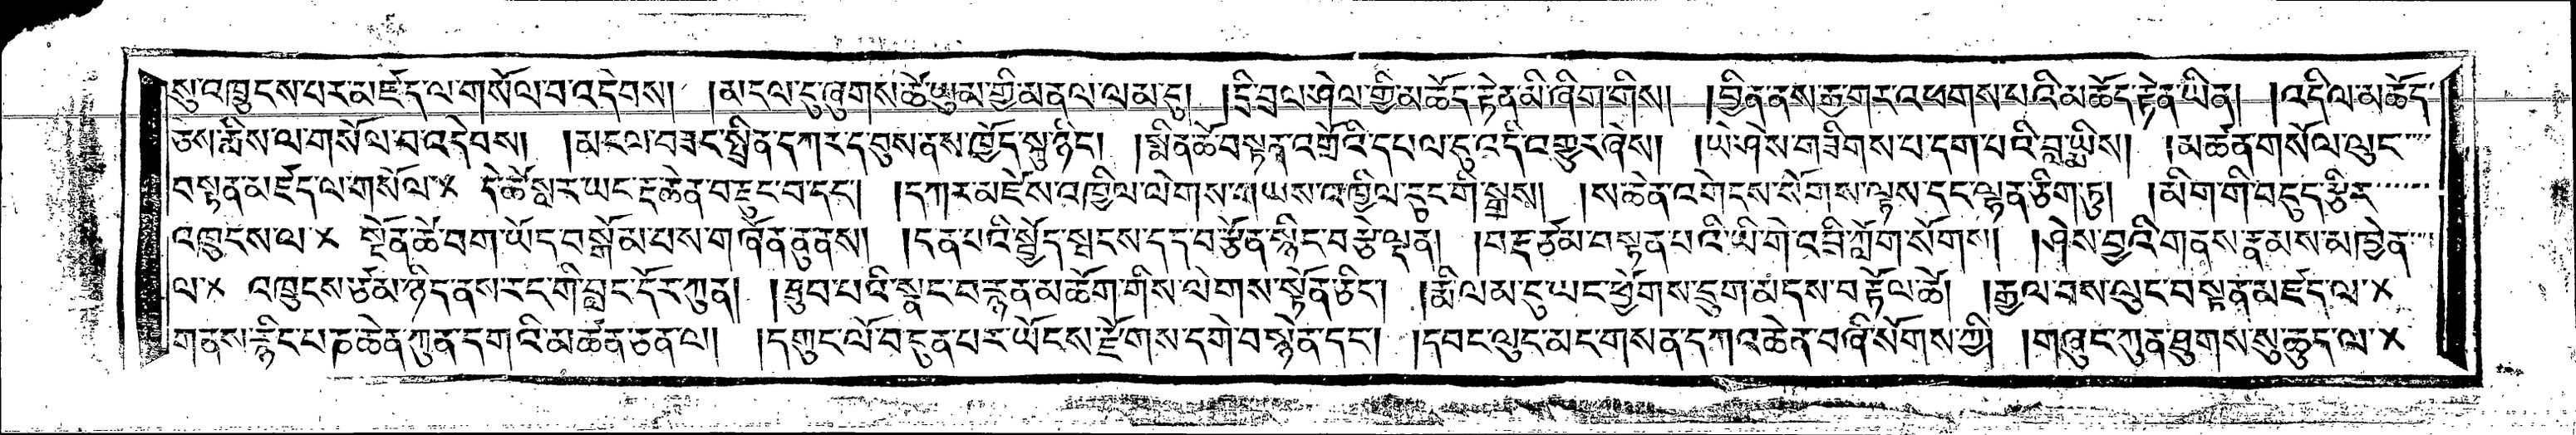སུ་འཁྲུངས་པར་མཛད་ལ་གསོལ་བ་འདེབས། །མངལ་དུ་ཞུགས་ཚེ་ཡུམ་གྱི་མནལ་ལམ་དུ། །དྲི་བྲལ་ཤེལ་གྱི་མཆོད་རྟེན་མི་ཞིག་གིས། །བྱིན་ནས་རྒྱ་གར་འཕགས་པའི་མཆོད་རྟེན་ཡིན། །འདི་ལ་མཆོད་
ཅེས་རྨིས་ལ་གསོལ་བ་འདེབས། །མངའ་བཟང་སྤྲིན་དཀར་དབུས་ནས་ཁྱོད་སྐུ་ཉིད། །སྨིན་ཚེ་བསྟན་འགྲོའི་དཔལ་དུ་འདི་འགྱུར་ཞེས། །ཡེ་ཤེས་གཟིགས་པ་དག་པའི་བླ་མ་ཡིས། །མཚན་གསོལ་ལུང་
བསྟན་མཛད་ལ་གསོལ་{྾}་དེ་ཚེ་སླར་ཡང་རྡ་ཆེན་བརྡུང་བ་དང་། །དཀར་མཛེས་འཁྱིལ་ལེགས་གཡས་འཁྱིལ་རུང་གི་སྒྲས། །ས་ཆེན་འགེངས་སོགས་ལྟས་དང་ལྷན་ཅིག་ཏུ། །མིག་གི་བདུད་རྩིར་
འཁྲུངས་ལ་{྾}་སྔོན་ཚེ་བག་ཡོད་བསྒོམ་པས་གཞོན་ནུ་ནས། །དན་པའི་སྤྱོད་སྤངས་དད་བརྩོན་སྙིང་བརྩེ་ལྡན། །བརྡ་ཙམ་བསྟན་པའི་ཡི་གེ་འབྲི་ཀློག་སོགས། །ཤེས་བྱའི་གནས་རྣམས་མཁྱེན་
ལ་{྾}་འཁྲུངས་ཙམ་ཉིད་ནས་རང་གི་བླང་དོར་ཀུན། །ཐུབ་པའི་སྣང་བརྙན་མཆོག་གིས་ལེགས་སྟོན་ཅིང་། །རྨི་ལམ་དུ་ཡང་ཕྱོགས་དྲུག་མདས་བརྟོལ་ཚེ། །རྒྱལ་བས་ལུང་བསྟན་མཛད་ལ་{྾}
གནས་རྙིང་པཎ་ཆེན་ཀུན་དགའི་མཚན་ཅན་ལ། །དགུང་ལོ་བདུན་པར་ཡོངས་རྫོགས་དགེ་བསྙེན་དང་། །དབང་ལུང་མང་གསན་དཀའ་ཆེན་བཞི་སོགས་ཀྱི། །གཞུང་ཀུན་ཐུགས་སུ་ཆུད་ལ་{྾}